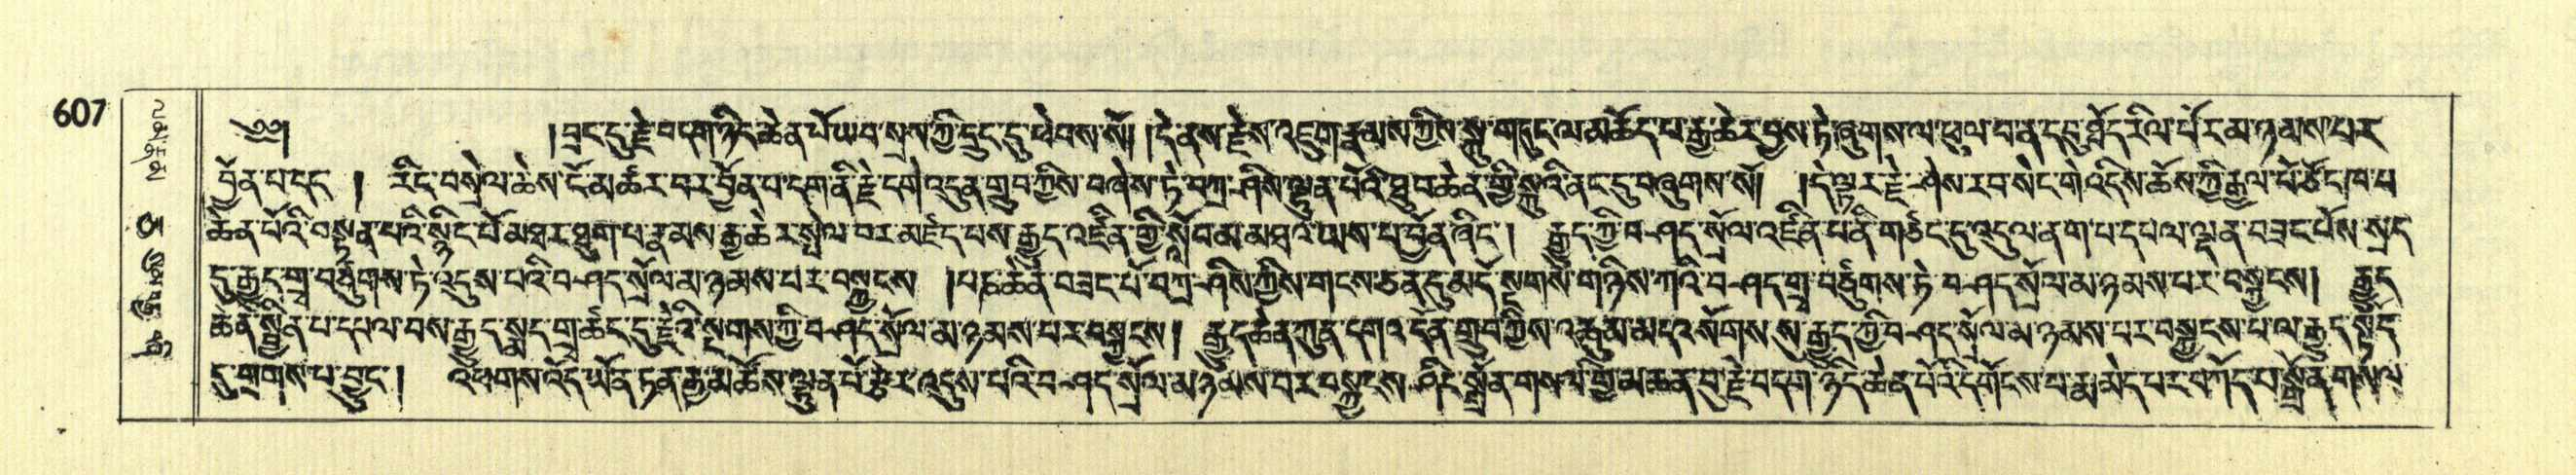༄༅། །བྲང་དུ་རྗེ་བདག་ཉིད་ཆེན་པོ་ཡབ་སྲས་ཀྱི་དྲུང་དུ་ཕེབས་སོ། །དེ་ནས་རྗེས་འཇུག་རྣམས་ཀྱིས་སྐུ་གདུང་ལ་མཆོད་པ་རྒྱ་ཆེར་བྱས་ཏེ་ཞུགས་ལ་ཕུལ་བ་ན་དབུ་ཐོད་རིལ་པོར་མ་ཉམས་པར་
བྱོན་པ་དང་། རིང་བསྲེལ་ཆེས་ངོ་མཚར་བར་བྱོན་པ་དག་ནི་རྗེ་དགེ་འདུན་གྲུབ་ཀྱིས་བཞེས་ཏེ་བཀྲ་ཤིས་ལྷུན་པོའི་ཐུབ་ཆེན་གྱི་སྐུའི་ནང་དུ་བཞུགས་སོ། །དེ་ལྟར་རྗེ་ཤེས་རབ་སེང་གེ་འདིས་ཆོས་ཀྱི་རྒྱལ་པོ་ཙོང་ཁ་པ་
ཆེན་པོའི་བསྟན་པའི་སྙིང་པོ་མཐར་ཐུག་ཕ་རྣམས་རྒྱ་ཆེར་སྤེལ་བར་མཛད་པས་རྒྱུད་འཛིན་གྱི་སློབ་མ་མཐའ་ཡས་པ་བྱོན་ཞིང་། རྒྱུད་ཀྱི་བཤད་སྲོལ་འཛིན་པ་ནི་གཙང་དུ་འདུལ་ནག་པ་དཔལ་ལྡན་བཟང་པོས་སྲད་
དུ་རྒྱུད་གྲྭ་བཙུགས་ཏེ་འདུས་པའི་བཤད་སྲོལ་མ་ཉམས་པར་བསྐྱངས་།པཎ་ཆེན་བཟང་པོ་བཀྲ་ཤིས་ཀྱིས་གངས་ཅན་དུ་མདོ་སྔགས་གཉིས་ཀའི་བཤད་གྲྭ་བཙུགས་ཏེ་བཤད་སྲོལ་མ་ཉམས་པར་བསྐྱངས། རྒྱུད་
ཆེན་སྤྱིན་པ་དཔལ་བས་རྒྱུད་སྨད་གྲྭ་ཚང་དུ་རྗེའི་སྔགས་ཀྱི་བཤད་སྲོལ་མ་ཉམས་པར་བསྐྱངས། རྒྱུད་ཆེན་ཀུན་དགའ་དོན་གྲུབ་ཀྱིས་འཆུམ་མདའ་སོགས་སུ་རྒྱུད་ཀྱི་བཤད་སྲོལ་མ་ཉམས་པར་བསྐྱངས་པ་ལ་རྒྱུད་སྟོད་
དུ་གྲགས་པ་བྱུང་། འཕགས་འོད་ཡོན་ཏན་རྒྱ་མཚོས་ལྷུན་པོ་རྩེར་འདུས་པའི་བཤད་སྲོལ་མཉམས་བར་བསྐྱངས་ཤིང་སྒྲོན་གསལ་གྱི་མཆན་བུ་རྗེ་བདག་ཉིད་ཆེན་པོའི་དགོངས་པ་རྨ་མེད་པར་བཀོད་པ་སྒྲོན་གསལ་